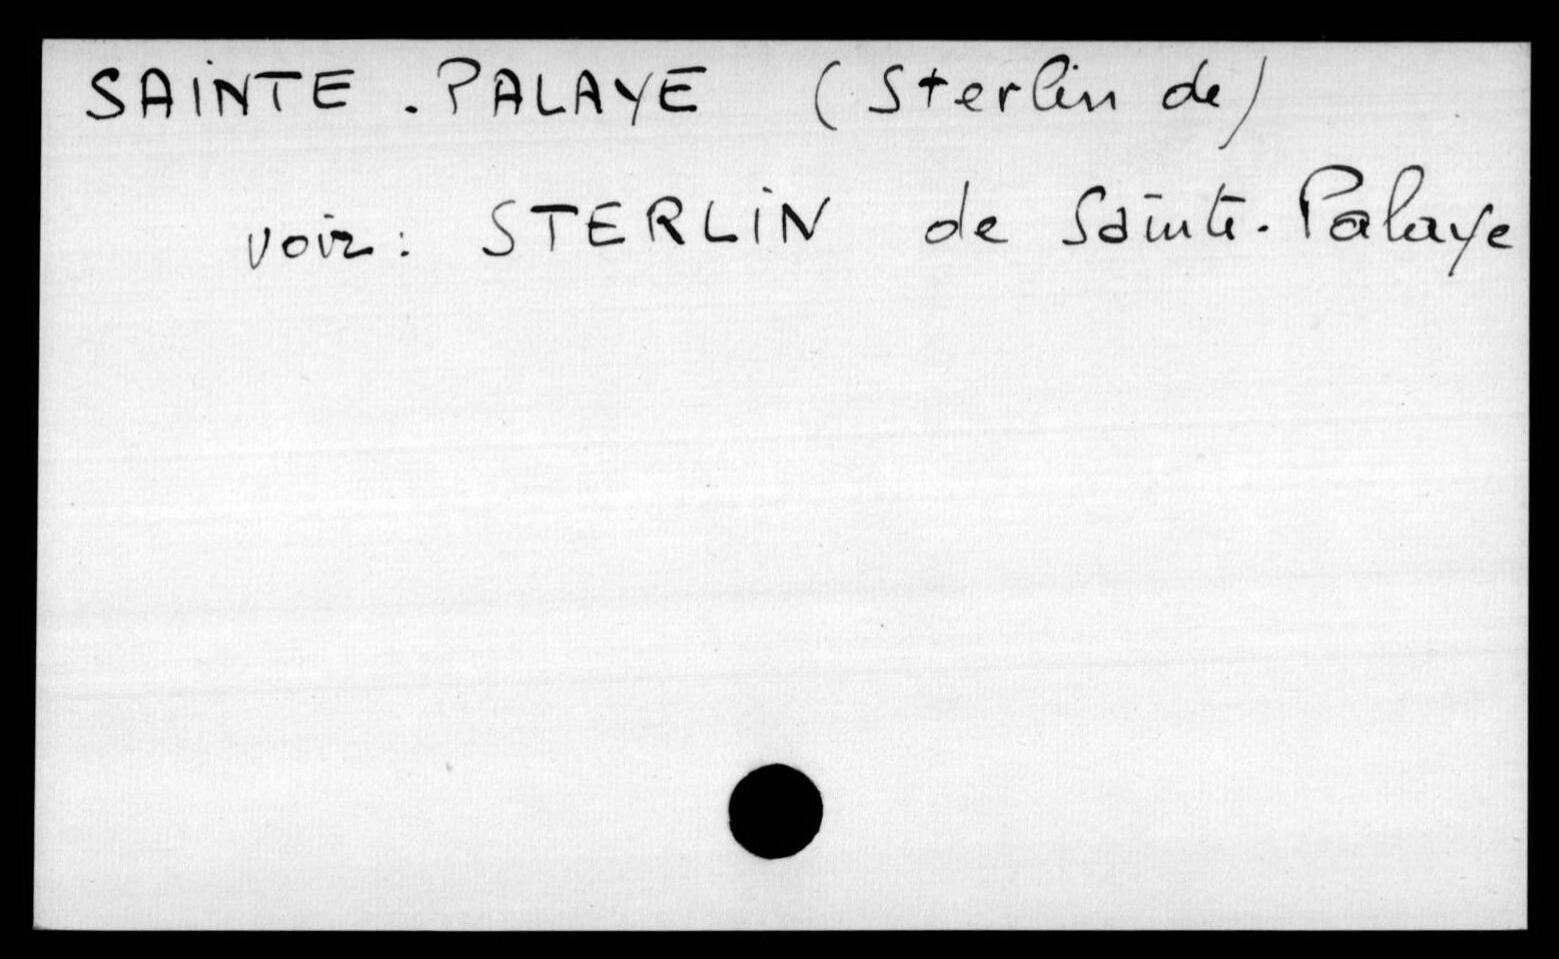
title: SAINTE PALAYE (Sterlin de)
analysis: Voir : STERLIN de Sainte-Palaye
